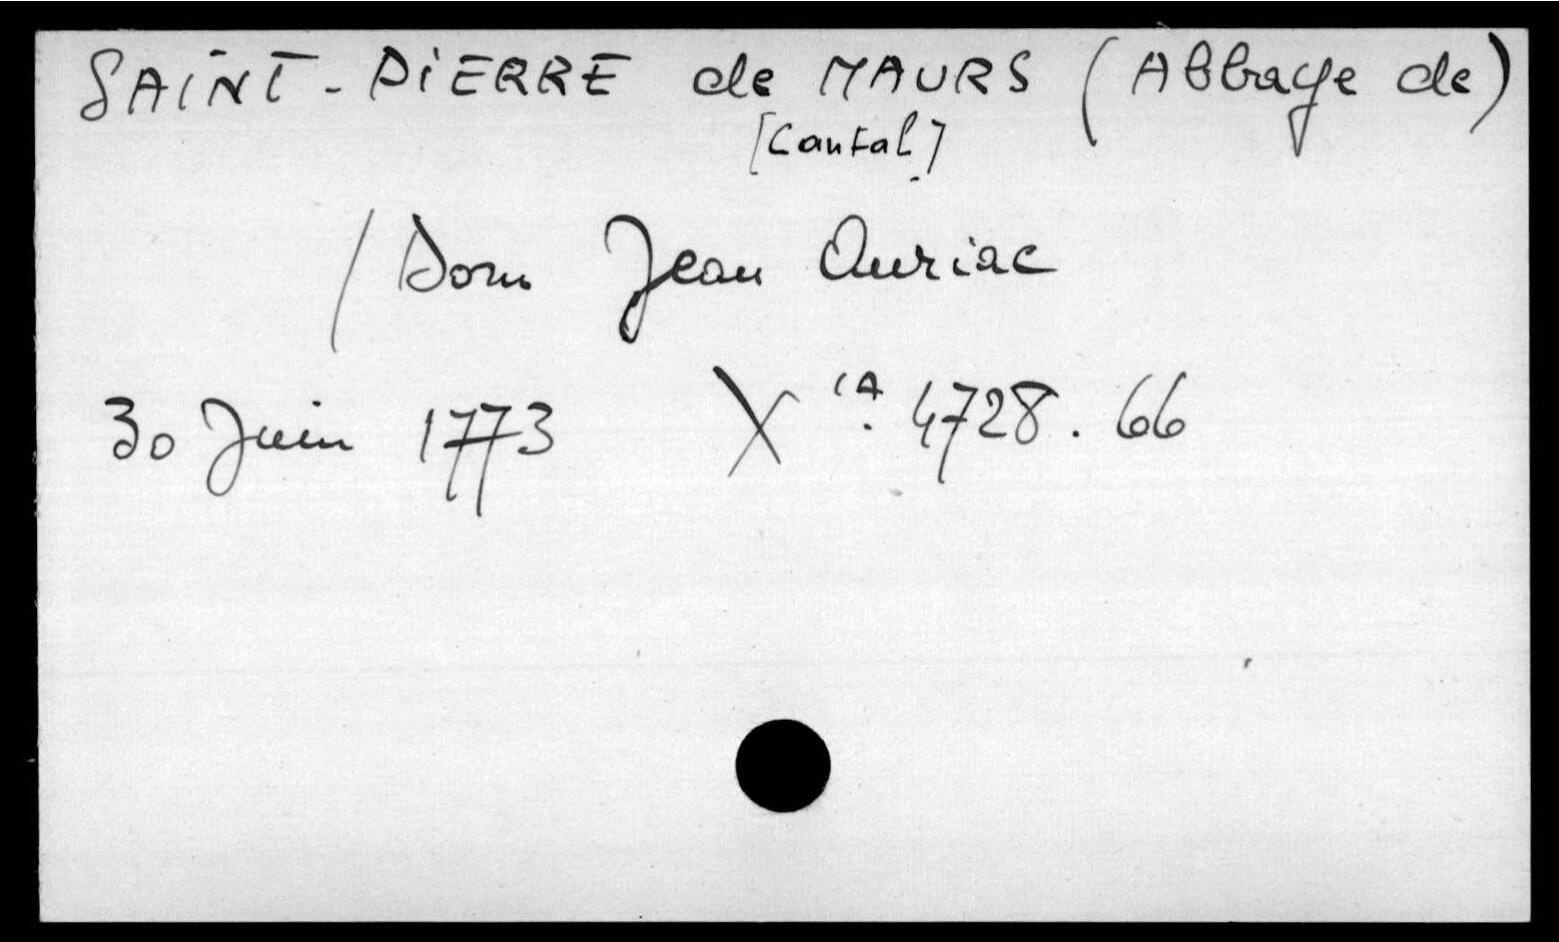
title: SAINT-PIERRE de MAURS (Abbaye de) [Cantal]
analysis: Contre Dom Jean Ouriac
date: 30 juin 1773
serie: X1A
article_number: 4728
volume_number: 66
